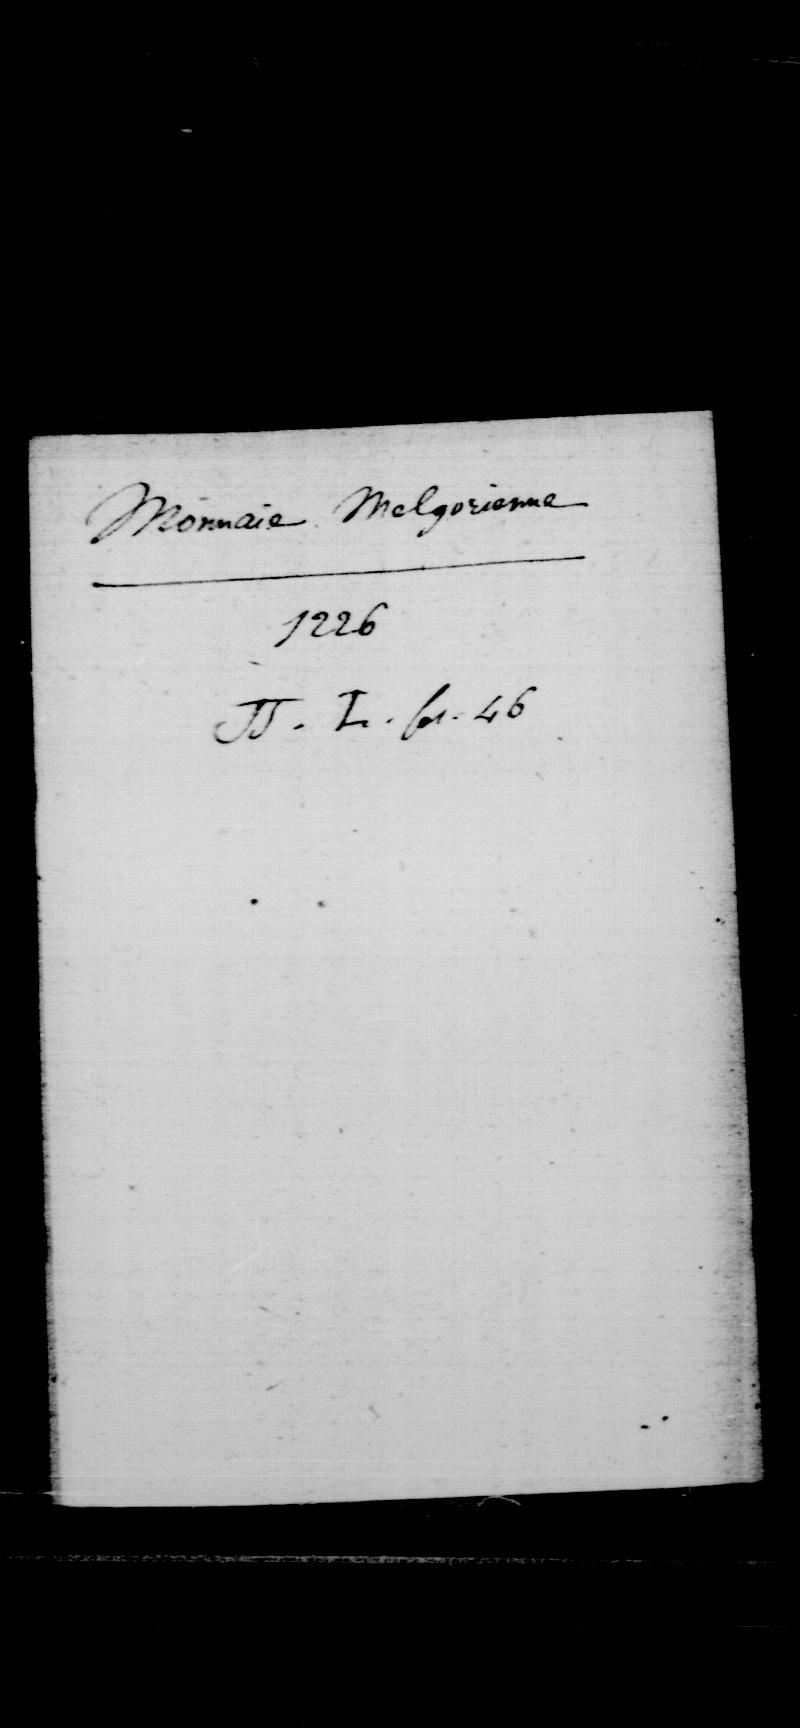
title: Monnaie Melgorienne
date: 1226
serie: JJ
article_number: L
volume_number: fol. 46
